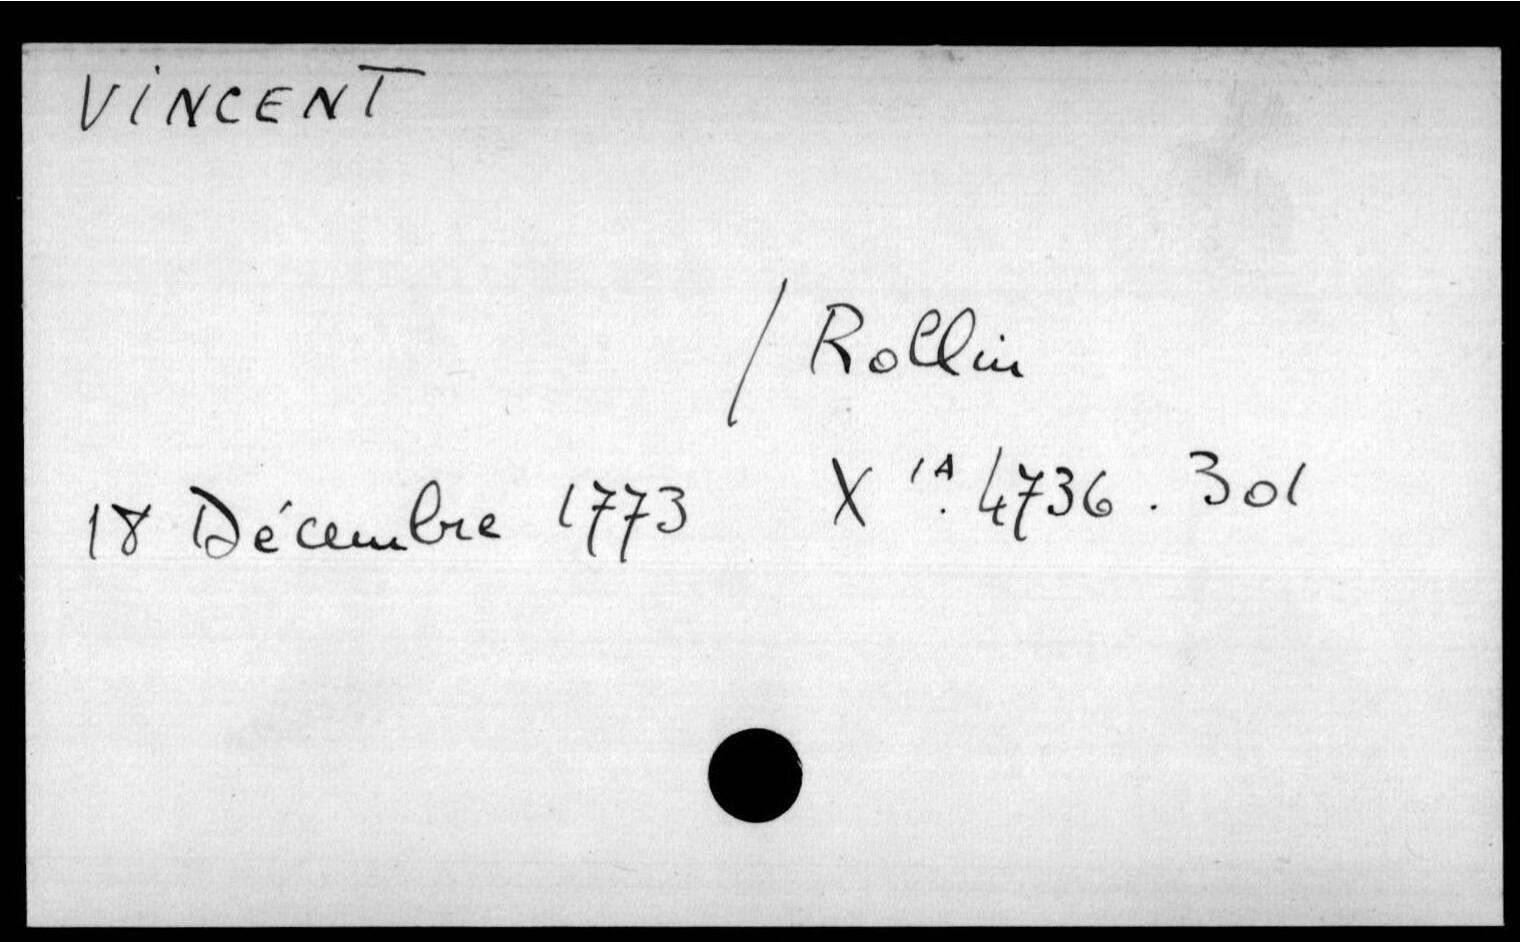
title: VINCENT
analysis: Contre Rollin
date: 18 décembre 1773
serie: X1A
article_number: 4736
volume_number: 301
